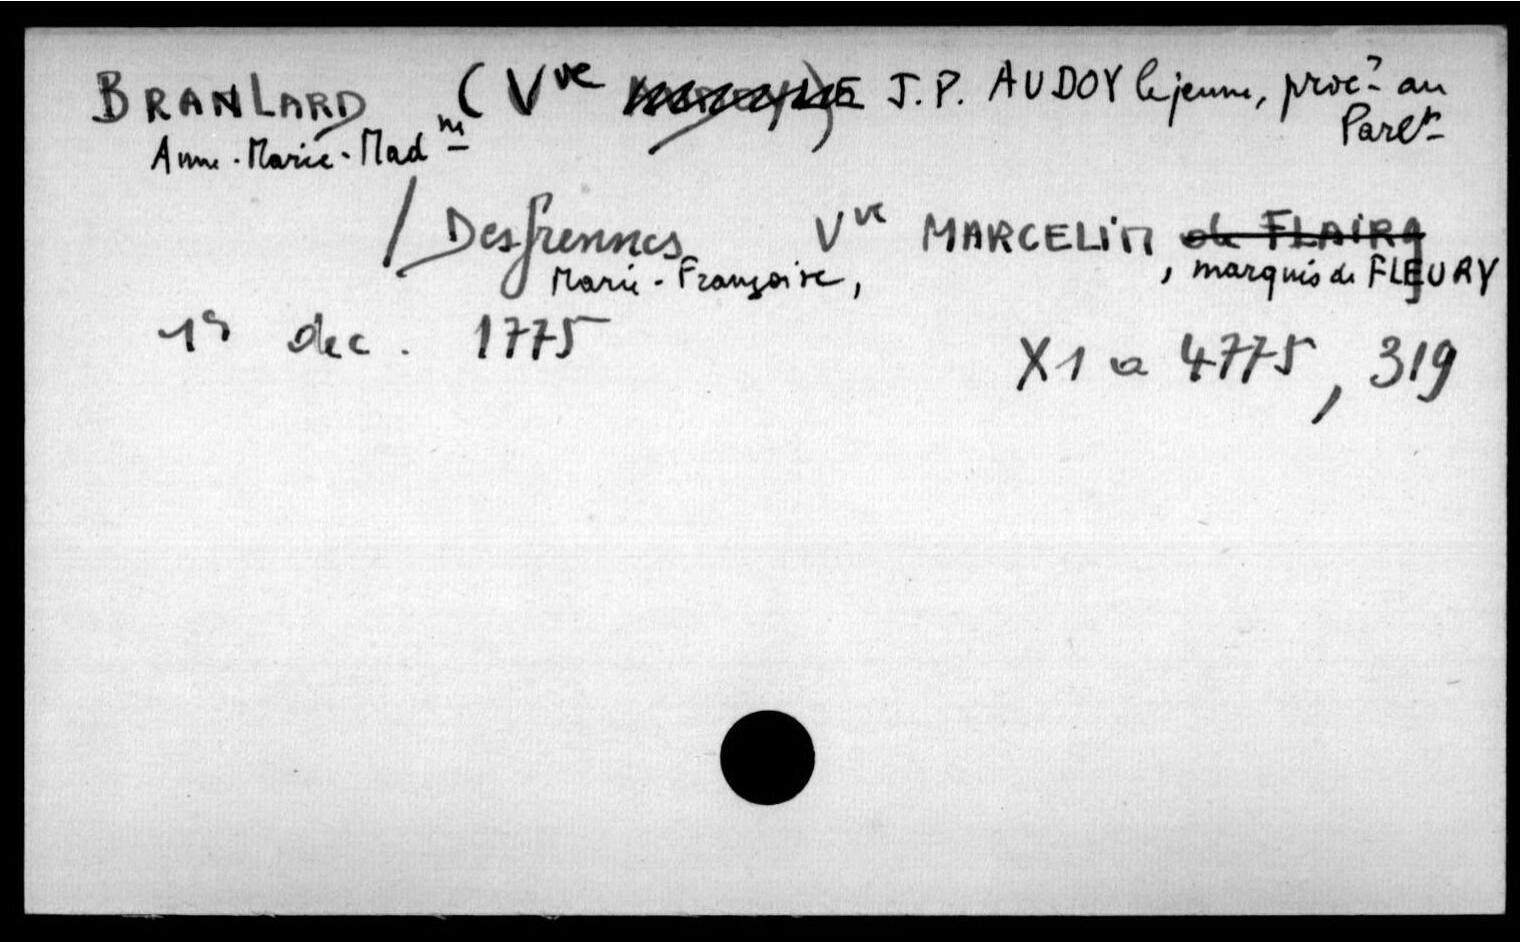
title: BRANLARD Anne-Marie-Madeleine (Veuve J. P. AUDOY le jeune, procureur au Parlement
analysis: Contre Desfrennes Marie-Françoise, Veuve MARCELIN, marquis de Fleury
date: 1 décembre 1775
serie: X1a
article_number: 4775
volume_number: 319
